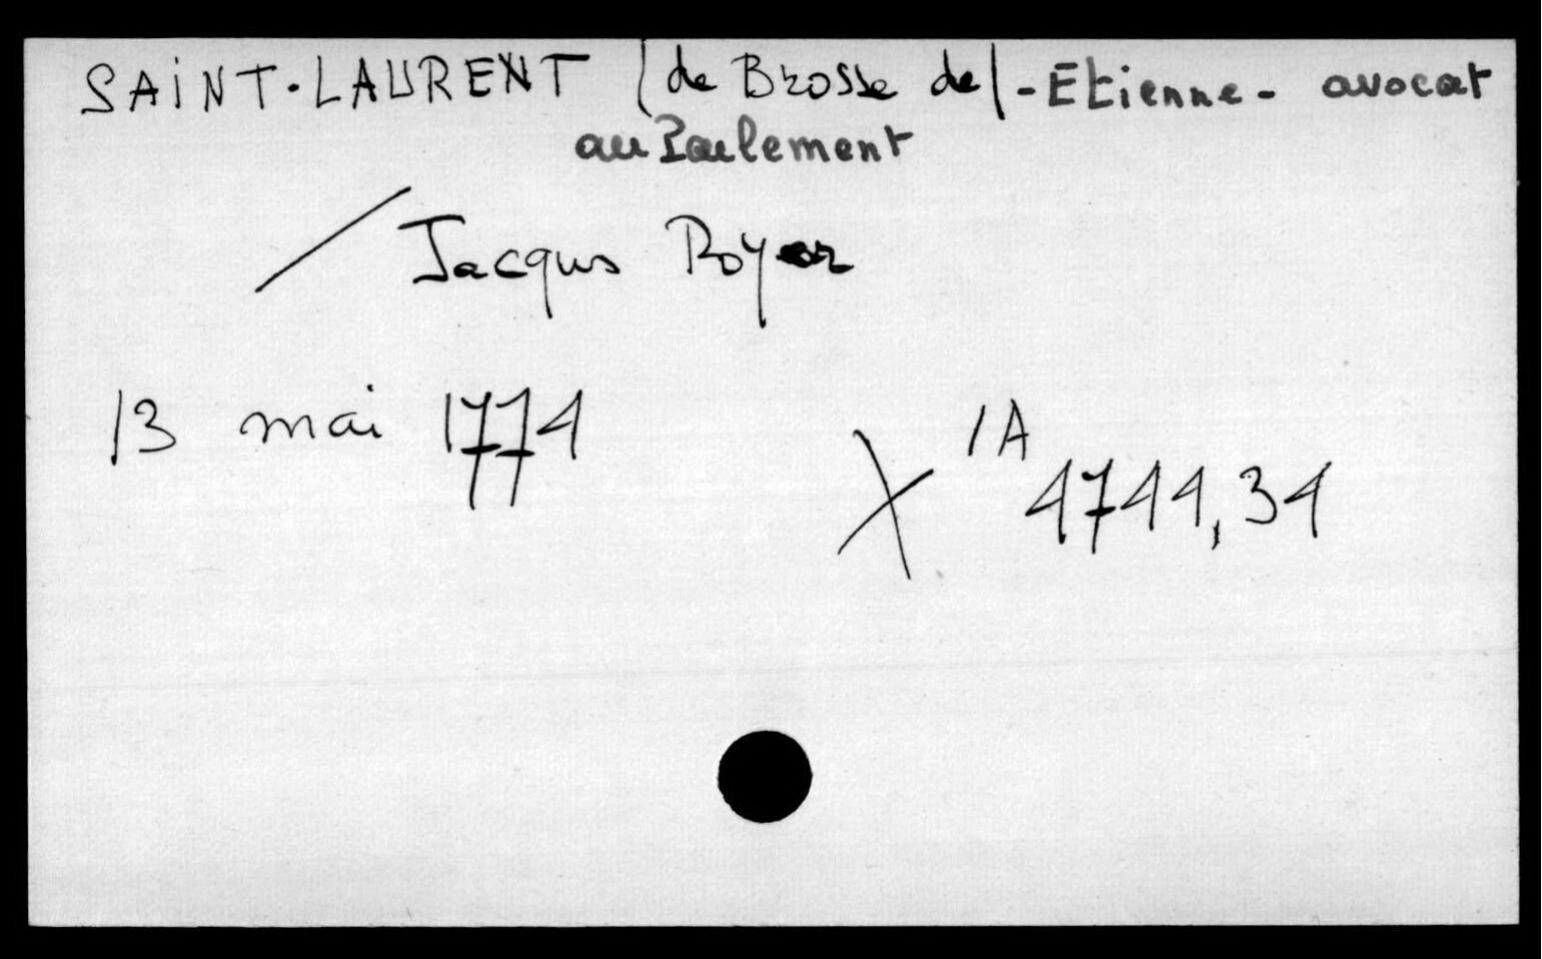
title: SAINT-LAURENT (de Brosse de), Étienne-avocat au Parlement
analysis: Contre Jacques Royer
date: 13 mai 1774
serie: X1A
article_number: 4744
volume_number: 34
